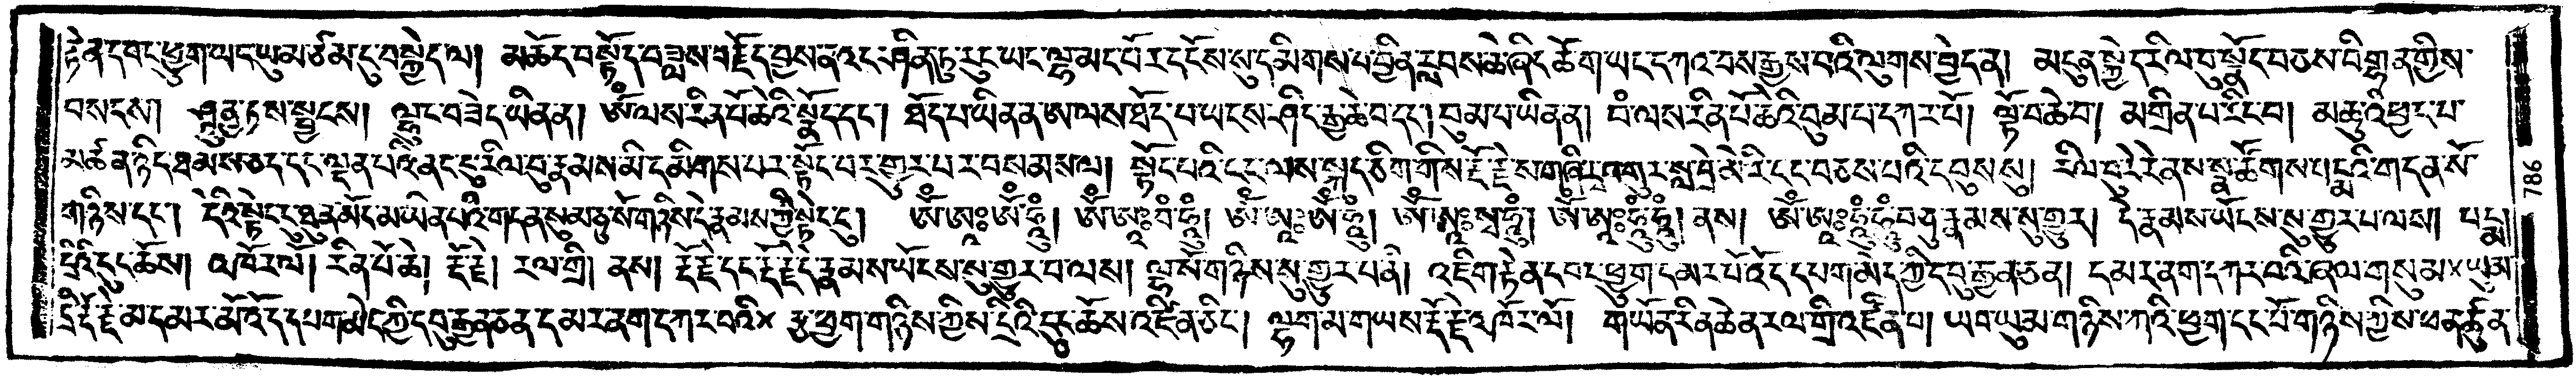རྟེན་དབང་ཕྱུག་ཡབ་ཡུམ་ཙམ་དུ་བསྐྱེད་ལ། མཆོད་བསྟོད་བཟླས་བརྗོད་བྱས་ནའང་ཤིན་ཏུ་རུང་ཡང་ལྷ་མང་པོར་དངོས་སུ་དམིགས་པ་བྱིན་རླབས་ཆེ་ཞིང་ཆོག་ཡང་དཀའ་བས་རྒྱས་པའི་ལུགས་བྱེད་ན། མདུན་སྐྱེད་རིལ་བུ་སྣོད་བཅས་བིགྷན་གྱིས་
བསངས། ཤཱུནྱ་ཏས་སྦྱངས། ལྷུང་བཟེད་ཡིན་ན། ཨོཾ་ལས་རིན་པོ་ཆེའི་སྣོད་དང་། ཐོད་པ་ཡིན་ན་ཨ་ལས་ཐོད་པ་ཡངས་ཤིང་རྒྱ་ཆེ་བ་དང་། བུམ་པ་ཡིན་ན། བཾ་ལས་རིན་པོ་ཆེའི་བུམ་པ་དཀར་པོ། ལྟོ་བ་ཆེ་བ། མགྲིན་པ་རིང་བ། མཆུའི་ཕྱད་པ་
མཚན་ཉིད་ཐམས་ཅད་དང་ལྡན་པའི་ནང་དུ་རིལ་བུ་རྣམས་མི་དམིགས་པར་སྟོང་པར་གྱུར་པར་བསམས་ལ། སྟོང་པའི་དང་ལས་སྐད་ཅིག་གིས་རྡོ་རྗེ་ས་གཞི་རྭ་བ་གུར་བླ་བྲེ་མེ་རི་དང་བཅས་པའི་དབུས་སུ། རིལ་བུ་རེ་རེ་ནས་སྣ་ཚོགས་པདམའི་གདན་སོ་
གཉིས་དང་། དེའི་སྟེང་དུ་ཐུན་མོང་མ་ཡིན་པའི་གདན་སུམ་ཅུ་སོ་གཉིས་དེ་རྣམས་ཀྱི་སྟེང་དུ། ཨོཾ་ཨཱཿཨོཾ་ཧཱུཾ། ཨོཾ་ཨཱཿཨོཾ་ཧཱུཾ། ཨོཾ་ཨཱཿཨོཾ་ཧཱུཾ། ཨོཾ་ཨཱཿ སྭ་ཧཱུཾ། ཨོམ་ཨཱཿཧཱུཾ་ཧཱུཾ། ནས། ཨོཾ་ཨཱཿཧཱུཾ་ཧཱུཾ་བཅུ་རྣམས་སུ་གྱུར། དེ་རྣམས་ཡོངས་སུ་གྱུར་པ་ལས། པདམ།
དྲིའི་དུང་ཆོས། འཁོར་ལོ། རིན་པོ་ཆེ། རྡོ་རྗེ། རལ་གྲི། ནས། རྡོ་རྗེ་དང་རྡོ་རྗེ་དེ་རྣམས་ཡོངས་སུ་གྱུར་པ་ལས། ལྷ་སོ་གཉིས་སུ་གྱུར་པ་ནི། འཇིག་རྟེན་དབང་ཕྱུག་དམར་པོ་འོད་དཔག་མེད་ཀྱི་དབུ་རྒྱན་ཅན། དྲ་མར་ནག་དཀར་བའི་ཞལ་གསུམ་ཡུམ་
དྲི་རྡོ་རྗེ་མ་དམར་མོ་འོད་དཔག་མེད་ཀྱི་དབུ་རྒྱན་ཅན་དམར་ནག་དཀའ་བའི་རྩ་ཕྱག་གཉིས་ཀྱིས་དྲིའི་དུང་ཆོས་འཛིན་ཅིང་། ལྷག་མ་གཡས་རྡོ་རྗེ་འཁོར་ལོ། གཡོན་རིན་ཆེན་རལ་གྲི་འཛིན་པ། ཡབ་ཡུམ་གཉིས་ཀའི་ཕྱག་དང་པོ་གཉིས་ཀྱིས་ཕན་ཚུན་